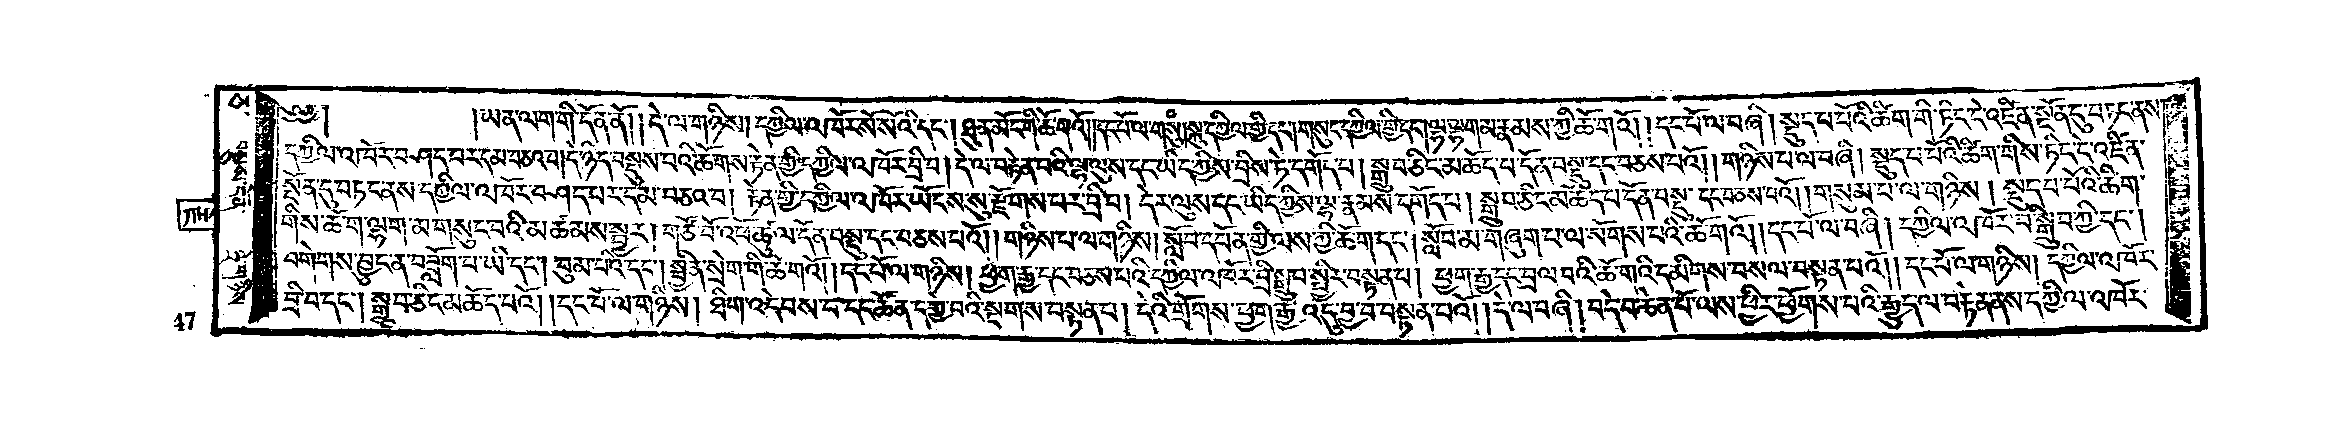༄༅། །ཡན་ལག་གི་དོན་ནོ། །དེ་ལ་གཉིས། དཀྱིལ་འཁོར་སོ་སོའི་དང་། ཐུན་མོང་གི་ཆོ་གའོ། །དང་པོ་ལ་གསུམ། སྐུ་དཀྱིལ་གྱི་དང་། གསུང་དཀྱིལ་གྱི་དང་། ལྷ་ལྷག་མ་རྣམས་ཀྱི་ཆོ་གའོ། །དང་པོ་ལ་བཞི། སྡུད་པ་པོའི་ཚིག་གི་ཏིང་ངེ་འཛིན་སྔོན་དུ་བཏང་ནས་
དཀྱིལ་འཁོར་བཤད་པར་དམ་བཅའ་བ། དེ་ཉིད་བསྡུས་པའི་ཆོ་གས་རྟེན་གྱི་དཀྱིལ་འཁོར་བྲི་བ། དེ་ལ་བརྟེན་པའི་ལྷ་ལུས་དང་ཡིད་ཀྱིས་བྲིས་ཏེ་དགོད་པ། སྒྲུབ་ཅིང་མཆོད་པ་དོན་བསྡུ་དང་བཅས་པའོ། །གཉིས་པ་ལ་བཞི། སྡུད་པ་པོའི་ཚིག་གིས་ཏིང་ངེ་འཛིན་
སྔོན་དུ་བཏང་ནས་དཀྱིལ་འཁོར་བཤད་པར་དམ་བཅའ་བ། རྟེན་གྱི་དཀྱིལ་འཁོར་ཡོངས་སུ་རྫོགས་པར་བྲི་བ། དེར་ལུས་དང་ཡིད་ཀྱིས་ལྷ་རྣམས་དགོད་པ། སྒྲུབ་ཅིང་མཆོད་པ་དོན་བསྡུ་དང་བཅས་པའོ། །གསུམ་པ་ལ་གཉིས། སྡུད་པ་པོའི་ཚིག་
གིས་ཆོ་ག་ལྷག་མ་གསུང་བའི་མཚམས་སྦྱར། གཙོ་བོ་འཕོ་ཚུལ་དོན་བསྡུ་དང་བཅས་པའོ། །གཉིས་པ་ལ་གཉིས། སློབ་དཔོན་གྱི་ལས་ཀྱི་ཆོ་ག་དང་། སློབ་མ་གཞུག་པ་ལ་སོགས་པའི་ཆོ་གའོ། །དང་པོ་ལ་བཞི། དཀྱིལ་འཁོར་བྲི་སྒྲུབ་ཀྱི་དང་།
བགེགས་བྱུང་ན་བཟློག་པ་ཡི་དང་། བུམ་པའི་དང་། སྦྱིན་སྲེག་གི་ཆོ་གའོ། །དང་པོ་ལ་གཉིས། ཕྱག་རྒྱ་དང་བཅས་པའི་དཀྱིལ་འཁོར་བྲི་སྒྲུབ་སྤྱིར་བསྟན་པ། ཕྱག་རྒྱ་དང་བྲལ་བའི་ཆོ་གའི་དམིགས་བསལ་བསྟན་པའོ། །དང་པོ་ལ་གཉིས། དཀྱིལ་འཁོར་
བྲི་བ་དང་། སྒྲུབ་ཅིང་མཆོད་པའོ། །དང་པོ་ལ་གཉིས། ཐིག་འདེབས་པ་དང་ཚོན་དགྱེ་བའི་སྔགས་བསྟན་པ། དེའི་གྲོགས་ཕྱག་རྒྱ་འདུ་བྱ་བ་བསྟན་པའོ། །དེ་ལ་བཞི། བདེ་བ་ཆེན་པོ་ལས་ཕྱིར་ཕྱོགས་པའི་རྒྱུད་ལ་བརྟེན་ནས་དཀྱིལ་འཁོར་